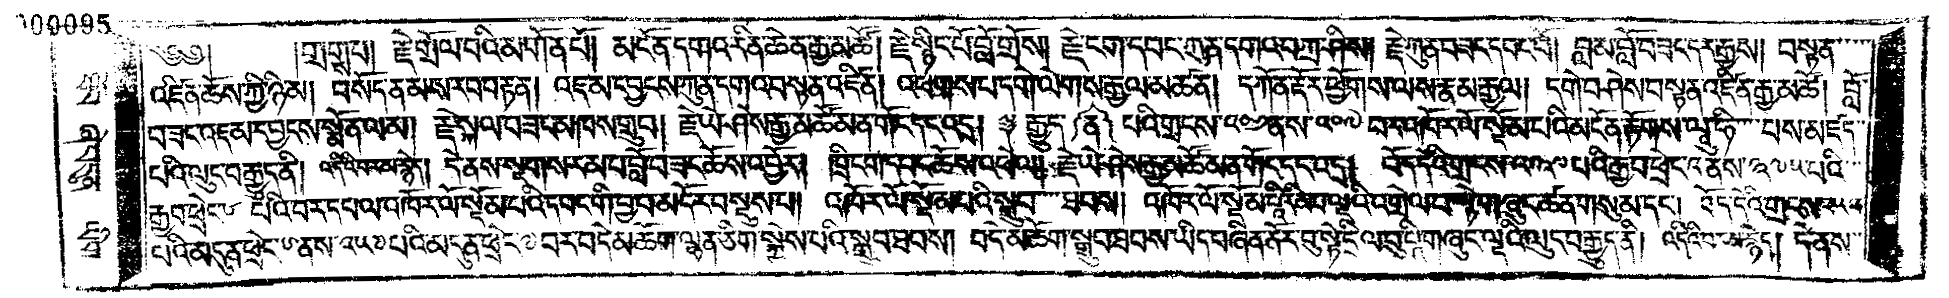༄༅། །གྲགས་པ། རྗེ་གྲོལ་བའི་མགོན་པོ། མངོན་དགའ་རིན་ཆེན་རྒྱ་མཚོ། རྗེ་སྙིང་པོ་བློ་གྲོས། རྗེ་ངག་དབང་ཀུན་དགའ་བཀྲ་ཤིས། རྗེ་ཀུན་བཟང་དབང་པོ། བླ་མ་བློ་བཟང་དར་རྒྱས། བསྟན་
འཛིན་ཆོས་ཀྱི་ཉི་མ། བསོད་ནམས་རབ་བརྟན། འཇམ་བྱངས་ཀུན་དགའ་བསྟན་འཛིན། འཕགས་པ་དགེ་ལེགས་རྒྱལ་མཚན། དགོན་རྡོར་ཕྱོགས་ལས་རྣམ་རྒྱལ། དགེ་བཤེས་བསྟན་འཛིན་རྒྱ་མཚོ། བློ་
བཟང་འཇམ་དབྱངས་སྨོན་ལམ། རྗེ་སྐལ་བཟང་མཁས་གྲུབ། རྗེ་ཡེ་ཤེས་རྒྱ་མཚོ་མན་གོང་དང་འདྲ། ༈ རྒྱུད ༼ན༽ པའི་གྲངས ༢༠༩་ནས ༢༠༧་བར་འཁོར་ལོ་སྡོམ་པའི་མངོན་རྟོགས་ལཱུ་ཧི་པས་མཛད་
པའི་ལུང་བརྒྱུད་ནི། འདིའི་བར་མ་རྙེད།  དེ་ནས་སྔགས་རམ་པ་བློ་བཟང་ཆོས་འབྱོར། ཁྲི་ངག་དབང་ཆོས་འཕེལ། རྗེ་ཡེ་ཤེས་རྒྱ་མཚོ་མན་གོང་དང་འདྲ། བོད་དེའི་གྲངས ༢༣༠་པའི་རྒྱབ་ཕྲེང ༢་ནས ༣༧༥་པའི་
རྒྱབ་ཕྲེང ༦་པའི་བར་དཔལ་འཁོར་ལོ་སྡོམ་པའི་དབང་གི་བྱ་བ་མདོར་བསྡུས་པ། འཁོར་ལོ་སྡོམ་པའི་སྒྲུབ་ཐབས། འཁོར་ལོ་སྡོམ་པཱི་རིམ་པ་ལྔའི་འགྲེལ་བ་སྟེ་གཞུང་ཚན་གསུམ་དང་། བོད་དེའི་གྲངས ༢༥༢
པའི་མདུན་ཕྲེང ༦་ནས ༢༥༧་པའི་མདུན་ཕྲེང ༧་བར་བདེ་མཆོག་ལྷན་ཅིག་སྐྱེས་པའི་སྒྲུབ་ཐབས། བདེ་མཆོག་སྒྲུབ་ཐབས་ཡིད་བཞིན་ནོར་བུ་སྟེ་དྲིལ་བུ་པཱི་གཞུང་ལྔའི་ལུང་བརྒྱུད་ནི། འདིའི་བར་མ་རྙེད།  དེ་ནས་